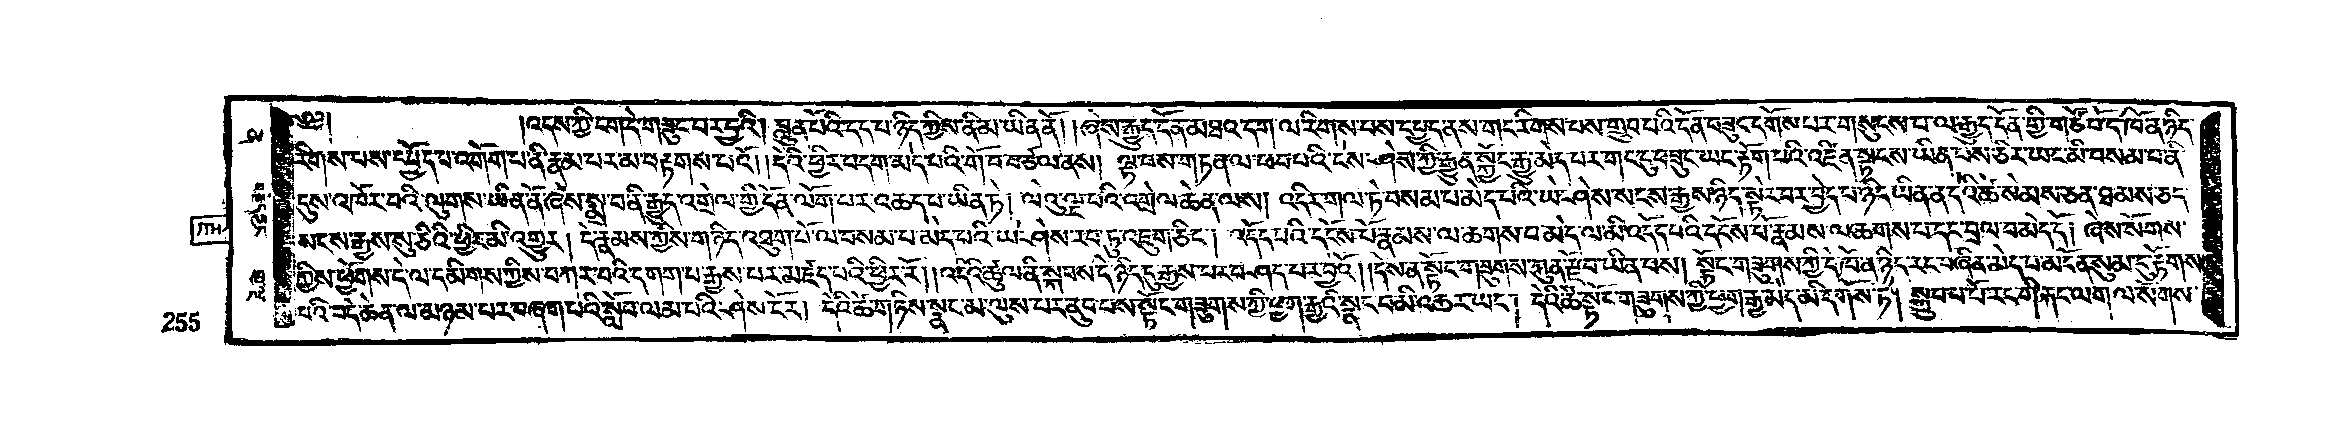༄༅། །འདས་ཀྱི་ངག་དེ་གཟུང་བར་བྱའི། བླུན་པོའི་དད་པ་ཉིད་ཀྱིས་ནི་མ་ཡིན་ནོ། །ཞེས་རྒྱུད་དོན་མཐའ་དག་ལ་རིགས་པས་དཔྱད་ནས་གང་རིགས་པས་གྲུབ་པའི་དོན་བཟུང་དགོས་པར་གསུངས་པ་ལ་རྒྱུད་དོན་གྱི་གཙོ་བོ་དེ་ཁོ་ན་ཉིད་
རིགས་པས་དཔྱོད་པ་འགོག་པ་ནི་རྣམ་པར་མ་བརྟགས་པའོ། །དེའི་ཕྱིར་བདག་མེད་པའི་གོ་བ་བཙལ་ནས། ལྟ་བས་གཏན་ལ་ཕབ་པའི་ངེས་ཤེས་ཀྱི་རྒྱུན་སྐྱོང་རྒྱུ་མེད་པར་གང་དུ་བཟུང་ཡང་རྟོག་པའི་འཛིན་སྟངས་ཡིན་པས་ཅིར་ཡང་མི་བསམ་པ་ནི་
དུས་འཁོར་བའི་ལུགས་ཡིན་ནོ་ཞེས་སྨྲ་བ་ནི་རྒྱུད་འགྲེལ་གྱི་དོན་ལོག་པར་འཆད་པ་ཡིན་ཏེ། ལེའུ་ལྔ་པའི་འགྲེལ་ཆེན་ལས། འདིར་གལ་ཏེ་བསམ་པ་མེད་པའི་ཡེ་ཤེས་སངས་རྒྱས་ཉིད་སྟེར་བར་བྱེད་པ་ཉིད་ཡིན་ན་དེའི་ཚེ་སེམས་ཅན་ཐམས་ཅད་
སངས་རྒྱས་སུ་ཅིའི་ཕྱིར་མི་འགྱུར། དེ་རྣམས་ཀྱིས་གཉིད་འཐུག་པོ་ལ་བསམ་པ་མེད་པའི་ཡེ་ཤེས་རབ་ཏུ་འཇུག་ཅིང་། འདོད་པའི་དངོས་པོ་རྣམས་ལ་ཆགས་པ་མེད་ལ་མི་འདོད་པའི་དངོས་པོ་རྣམས་ལ་ཆགས་པ་དང་བྲལ་བ་མེད་དོ། ཞེས་སོགས་
ཀྱིས་ཕྱོགས་དེ་ལ་དམིགས་ཀྱིས་བཀར་བའི་དགག་པ་རྒྱས་པར་མཛད་པའི་ཕྱིར་རོ། །འདིའི་ཚུལ་ནི་སྐབས་དེ་ཉིད་དུ་རྒྱས་པར་བཤད་པར་བྱའོ། །དེས་ན་སྟོང་གཟུགས་ཀུན་རྫོབ་ཡིན་པས། སྟོང་གཟུགས་ཀྱི་དེ་ཁོ་ན་ཉིད་རང་བཞིན་མེད་པ་མངོན་སུམ་དུ་རྟོགས་
པའི་བདེ་ཆེན་ལ་མཉམ་པར་བཞག་པའི་སློབ་ལམ་པའི་ཤེས་ངོར། དེའི་ཚེ་གཉིས་སྣང་མ་ལུས་པར་ནུབ་པས་སྟོང་གཟུགས་ཀྱི་ཕྱག་རྒྱའི་སྣང་བ་མི་འཆར་ཡང་། དེའི་ཚེ་སྟོང་གཟུགས་ཀྱི་ཕྱག་རྒྱ་མེད་མི་དགོས་ཏེ། སྒྲུབ་པ་པོ་རང་གི་རྐང་ལག་ལ་སོགས་